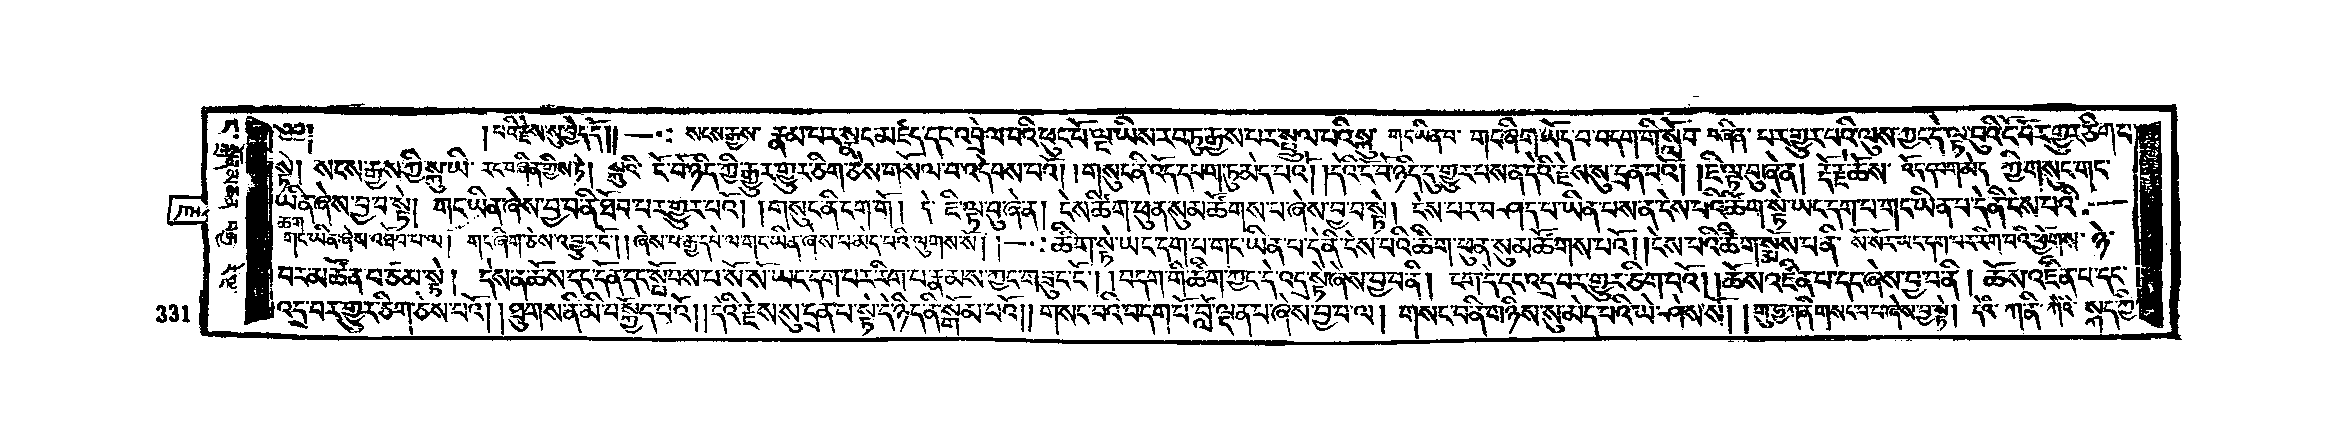༄༅། །པའི་རྗེས་སུ་བྱེད་དོ།། .H སངས་རྒྱས་རྣམ་པར་སྣང་མཛད་དང་འབྲེལ་བའི་ཕུང་པོ་ལྔ་ཡིས་རབ་ཏུ་རྒྱས་པར་སྤྲུལ་པའི་སྐུ་གང་ཡིན་པ་གང་ཞིག་ཡོད་པ་བདག་གི་སློབ་བཞིན་པར་གྱུར་པའི་ལུས་ཀྱང་དེ་ལྟ་བུའི་ངོ་བོར་གྱུར་ཅིག་པ་
སྟེ། སངས་རྒྱས་ཀྱི་སྐུ་ཡི་རང་བཞིན་གྱིས་ཏེ། སྐུའི་ངོ་བོ་ཉིད་ཀྱི་རྒྱུར་གྱུར་ཅིག་ཅེས་གསོལ་བ་འདེབས་པའོ། །གསུང་ནི་འོད་དཔག་ཏུ་མེད་པའོ། །དེའི་ངོ་བོ་ཉིད་དུ་གྱུར་པས་ན་དེའི་རྗེས་སུ་དྲན་པའོ། །ཇི་ལྟ་བུ་ཞེ་ན། རྡོ་རྗེ་ཆོས་འོད་དཔག་མེད་ཀྱི་གསུང་གང་
ཡིན་ཞེས་བྱ་བ་སྟེ། གང་ཡིན་ཞེས་བྱ་བ་ནི་ཐོབ་པར་གྱུར་པའོ། །གསུང་ནི་ངག་གོ ། དེ་ཇི་ལྟ་བུ་ཞེ་ན། ངེས་ཚིག་ཕུན་སུམ་ཚོགས་པ་ཞེས་བྱ་བ་སྟེ། ངེས་པར་བཤད་པ་ཡིན་པས་ན་ངེས་པའི་ཚིག་སྟེ་ཡང་དག་པ་གང་ཡིན་པ་དེ་ནི་ངེས་པའིཿ
ཆག་གང་ཡིན་ཞེས་འཐོབ་པ་ལ། གང་ཞིག་ཅེས་འབྱུང་ངོ། །ཞེས་པ་རྒྱ་དཔེ་ལ་གང་ཡིན་ཞེས་པ་མེད་པའི་ལུགས་སོ།།  .H ཚིག་སྟེ་ཡང་དག་པ་གང་ཡིན་པ་དེ་ནི་ངེས་པའི་ཚིག་ཕུན་སུམ་ཚོགས་པའོ། །ངེས་པའི་ཚིག་སྨོས་པ་ནི་སོ་སོར་ཡང་དག་པར་རིག་པའི་ཕྱོགས་ཉེ་
བར་མཚོན་པ་ཙམ་སྟེ། དེས་ན་ཆོས་དང་དོན་དང་སྤོབས་པ་སོ་སོ་ཡང་དག་པར་རིག་པ་རྣམས་ཀྱང་གཟུང་ངོ། །བདག་གི་ཚིག་ཀྱང་དེ་འདྲ་སྟེ་ཞེས་བྱ་བ་ནི། ངག་དེ་དང་འདྲ་བར་གྱུར་ཅིག་པའོ། །ཆོས་འཛིན་པ་དང་ཞེས་བྱ་བ་ནི། ཆོས་འཛིན་པ་དང་
འདྲ་བར་གྱུར་ཅིག་ཅེས་པའོ། །ཐུགས་ནི་མི་བསྐྱོད་པའོ། །དེའི་རྗེས་སུ་དྲན་པ་སྟེ་དེ་ཉིད་ནི་སྒོམ་པའོ། །གསང་བའི་བདག་པོ་བློ་ལྡན་པ་ཞེས་བྱ་བ་ལ། གསང་བ་ནི་གཉིས་སུ་མེད་པའི་ཡེ་ཤེས་སོ། ། གུ་ཧྱ་ཀ་ནི་གསང་བ་པ་ཞེས་བྱ་སྟེ། དེའི་ཀ་ནི་ཀཻའི་སྐད་ཀྱི་